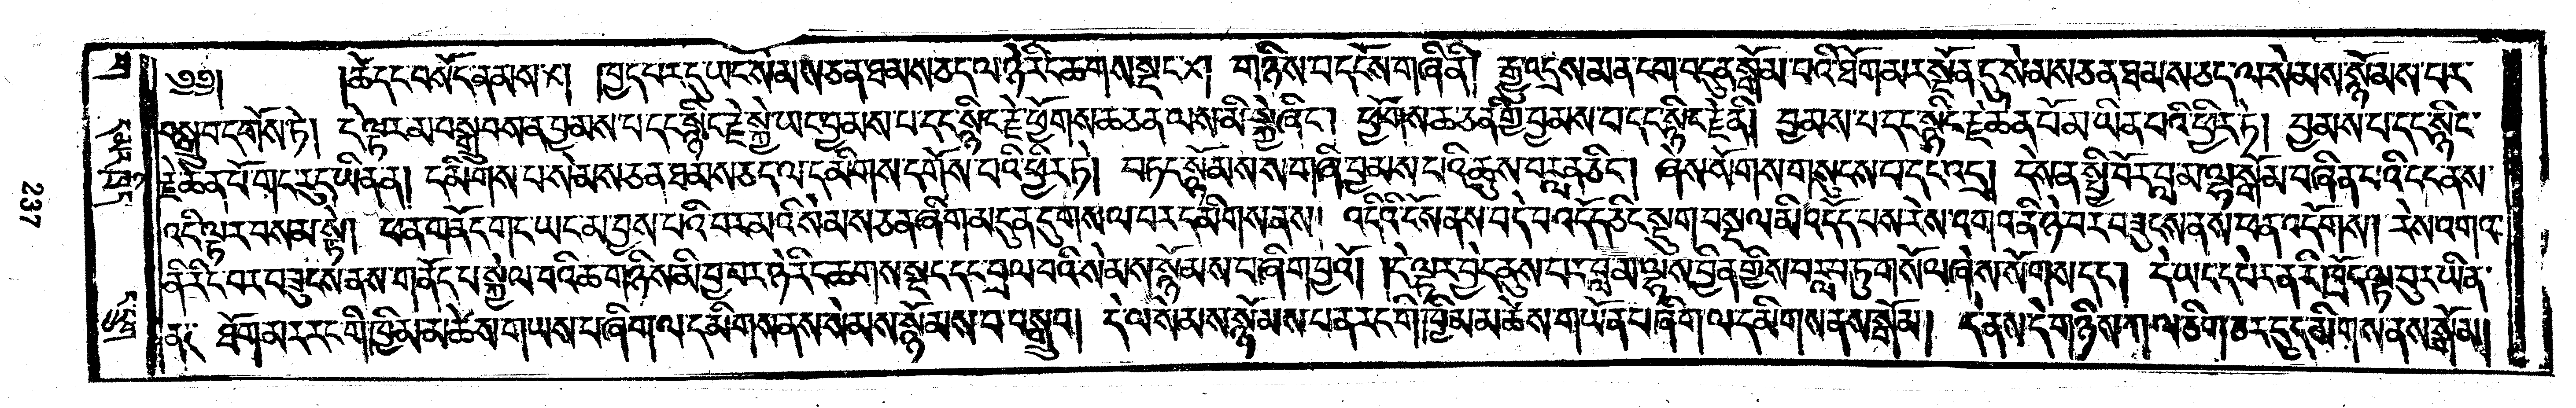༄༅། །ཚེ་དང་བསོད་ནམས་྾། ཁྱད་པར་དུ་ཡང་སེམས་ཅན་ཐམས་ཅད་ལ་ཉེ་རིང་ཆགས་སྡང་྾། གཉིས་བ་དངོས་གཞི་ནི། རྒྱུ་འདྲས་མན་ངག་བདུན་སྒོམ་པའི་ཐོག་མར་སྔོན་དུ་སེམས་ཅན་ཐམས་ཅད་ལ་སེམས་སྙོམས་པར་
བསྒྲུབ་དགོས་ཏེ། དེ་ལྟར་མ་བསྒྲུབས་ན་བྱམས་པ་དང་སྙིང་རྗེ་སྐྱེ་ཡང་བྱམས་པ་དང་སྙིང་རྗེ་ཕྱོགས་ཆ་ཅན་ལས་མི་སྐྱེ་ཞིང་། ཕྱོགས་ཆ་ཅན་གྱི་བྱམས་པ་དང་སྙིང་རྗེ་ནི། བྱམས་པ་དང་སྙིང་རྗེ་ཆེན་པོ་མ་ཡིན་པའི་ཕྱིར་ཏེ། བྱམས་པ་དང་སྙིང་
རྗེ་ཆེན་པོ་གང་རུང་ཡིན་ན། དམིགས་པ་སེམས་ཅན་ཐམས་ཅད་ལ་དམིགས་དགོས་པའི་ཕྱིར་ཏེ། བཏང་སྙོམས་ས་གཞི་བྱམས་པའི་ཆུས་བརླན་ཅིང་། ཞེས་སོགས་གསུངས་བ་དང་འདྲ། དེས་ན་སྤྱི་བོར་བླ་མ་ལྷ་སྒོམ་བཞིན་པའི་དང་ནས་
འདི་ལྟར་བསམ་སྟེ། ཕན་གནོད་གང་ཡང་མ་བྱས་པའི་བར་མའི་སེམས་ཅན་ཞིག་མདུན་དུ་གསལ་བར་དམིགས་ནས། འདིའི་དངོས་ནས་བདེ་བ་འདོད་ཅིང་སྡུག་བསྔལ་མི་འདོད་པས་རེས་འགའ་ནི་ཉེ་བར་བཟུངས་ནས་ཕན་འདོགས། རེས་འགའ་
ནི་རིང་བར་བཟུངས་ནས་གནོད་པ་སྐྱེལ་བའི་ཆ་གཉིས་མི་བྱ་བར་ཉེ་རིང་ཆགས་སྡང་དང་བྲལ་བའི་སེམས་སྙོམས་བ་ཞིག་བྱའོ། །དེ་ལྟར་བྱེད་ནུས་བར་བླ་མ་ལྷས་བྱིན་གྱིས་བརླབ་ཏུ་གསོལ་ཞེས་སོགས་དང་། དེ་ཡང་དཔེར་ན་རི་ཁྲོད་ལྟ་བུར་ཡིན་
ན༑ ཐོག་མར་རང་གི་ཁྱིམ་མཚོས་གཡས་པ་ཞིག་ལ་དམིགས་ནས་སེམས་སྙོམས་བ་བསྒྲུབ། དེ་ལ་སེམས་སྙོམས་པན་རང་གི་ཁྱིམ་མཚེས་གཡོན་པ་ཞིག་ལ་དམིགས་ནས་སྒོམ། དེ་ནས་དེ་གཉིས་ཀ་ལ་ཅིག་ཅར་དུ་དམིགས་ནས་སྒོམ།